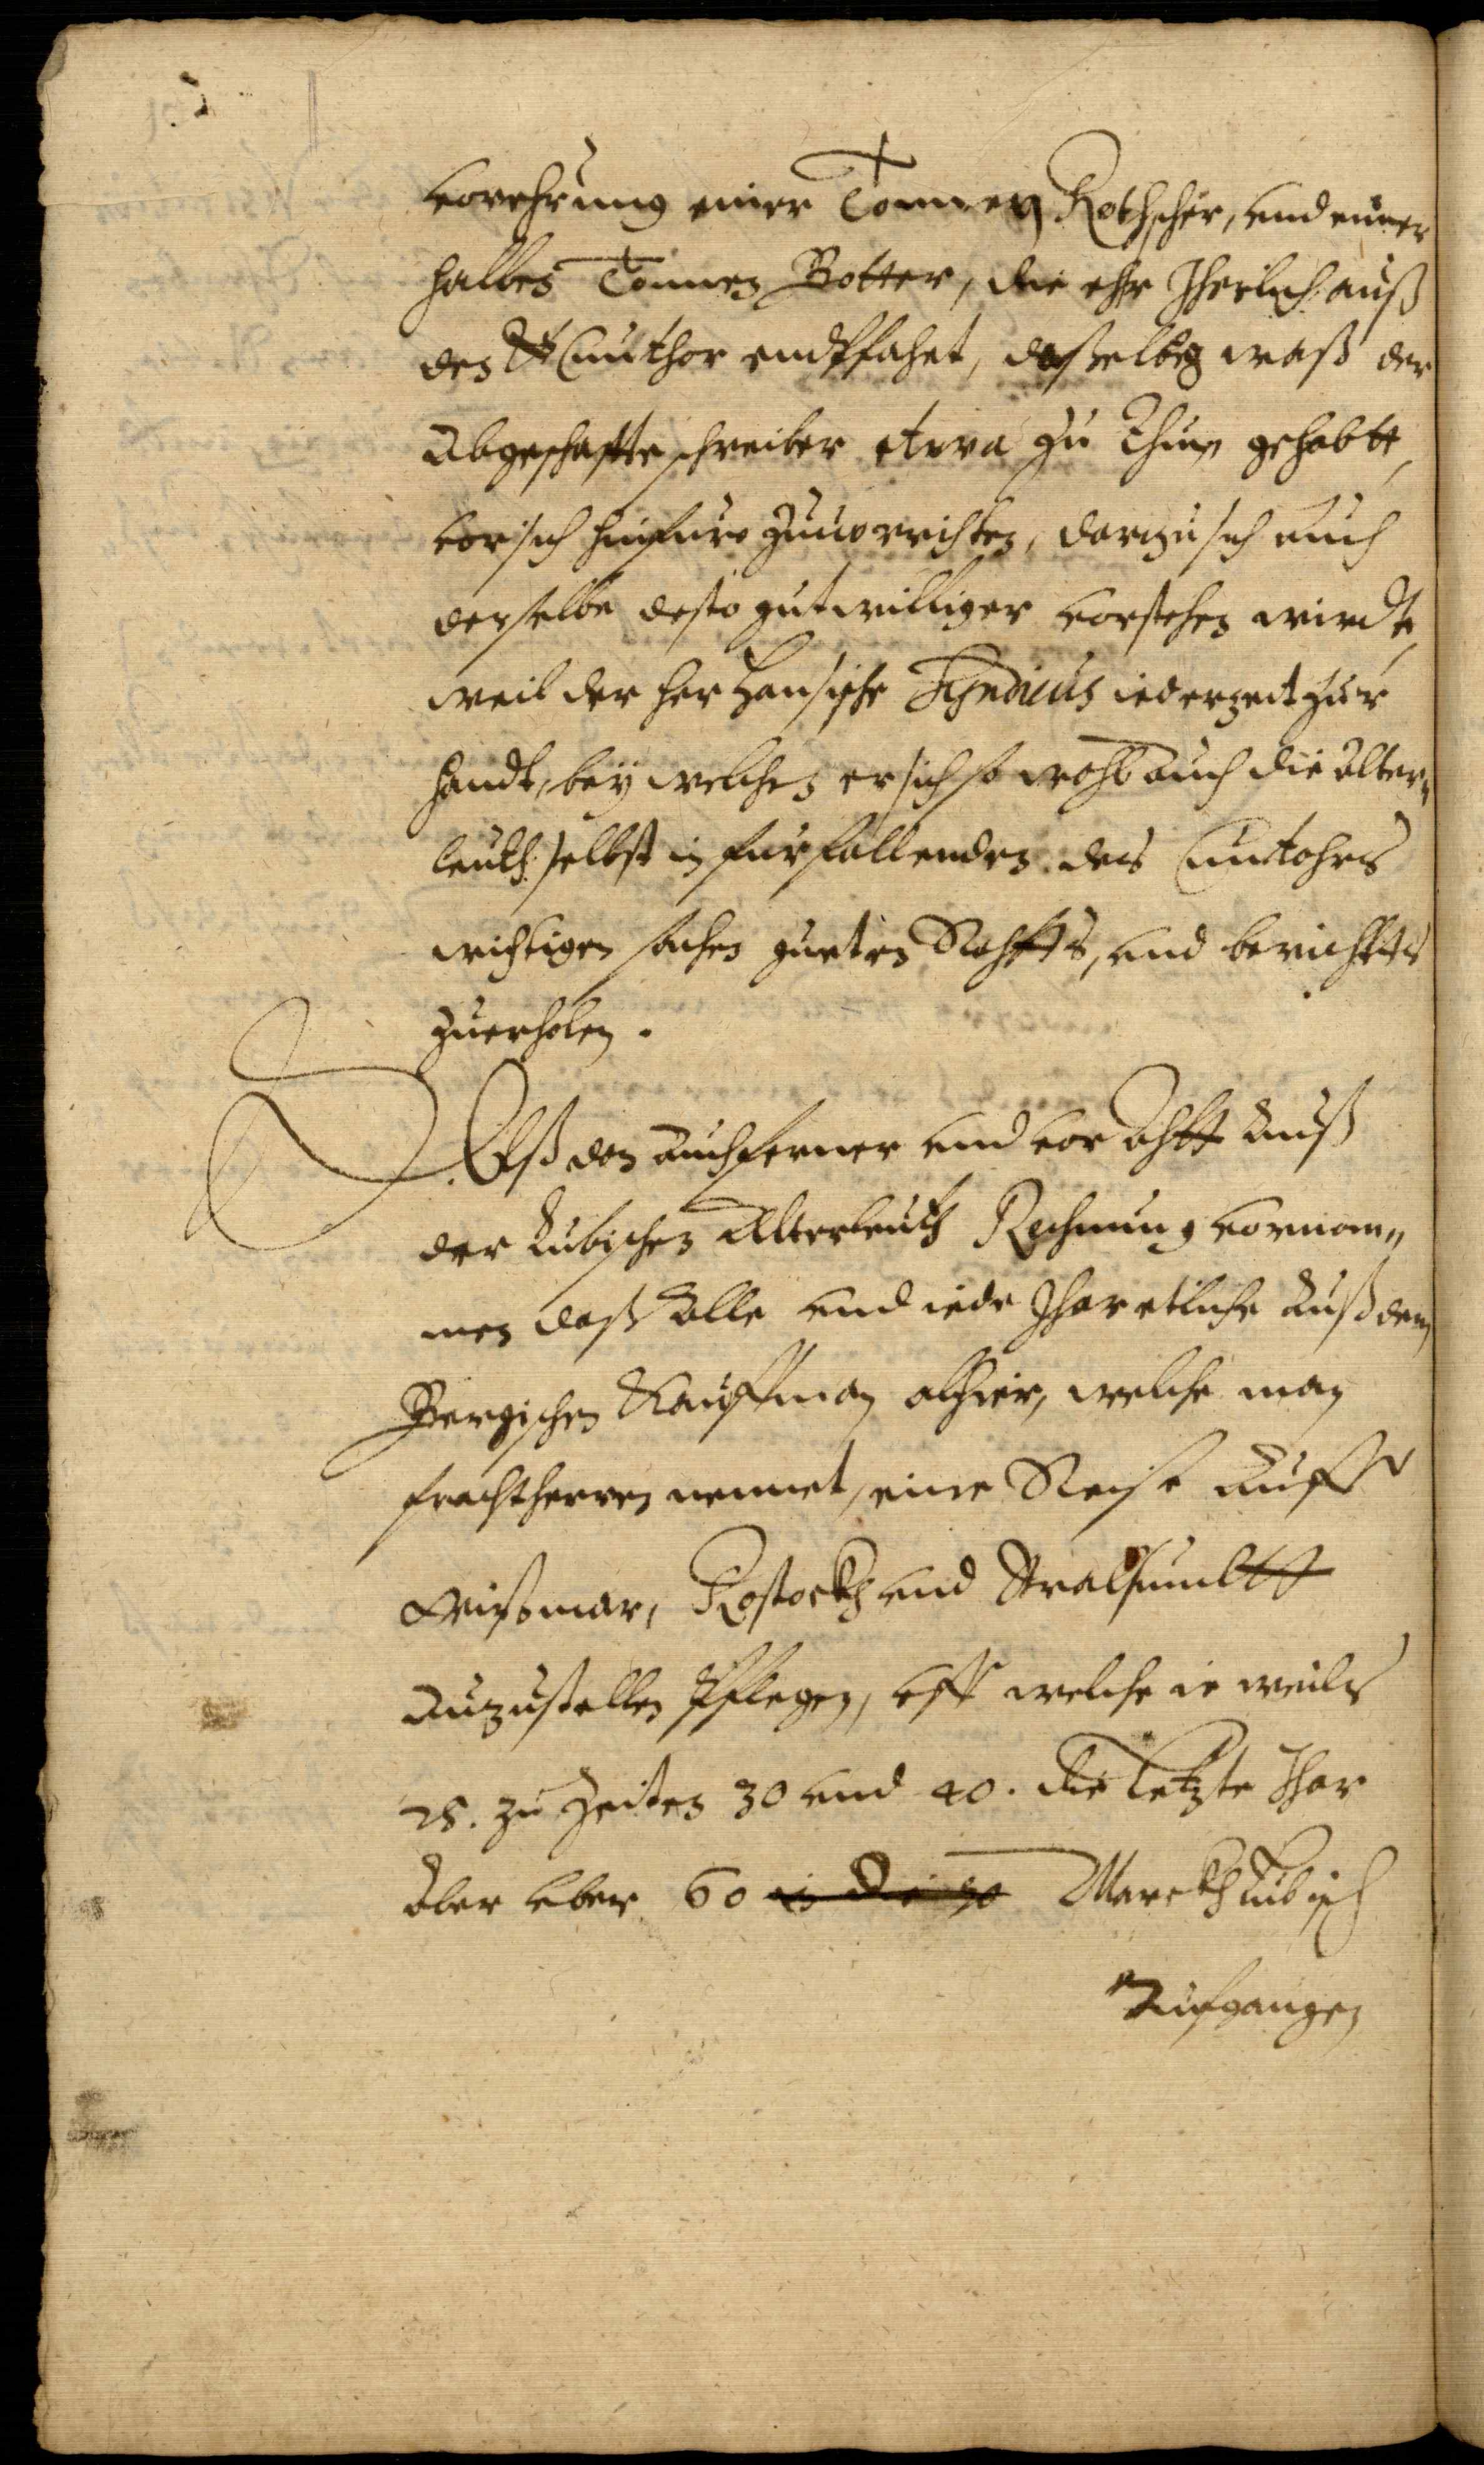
vorehrung einer Tonnen Rothscher,vnd einer
halben Tonnen Botter, die ehr Jherlich auß
den V Cunthor empfahet, daßelbig waß der
Abgeschaffte schreiber etwa zu Thun gehabtt,
vor sich hinfuro zuuorrichten, darzu sich Auch
derselbe desto gutwilliger verstehen wirdt,
weil der her Hansische Syndicus iederzeit zur
handt, beij welchen er sich so wohl Auch die Alter¬
leuth selbst in furfallenden des Cunthors
wichtigen sachen gueten Rahtts, vnd berichtts
zuerholen.
Alß dan Auch ferner vnd vor Ahtt Auß
der Lubischen Alterleuth Rechnung vornom¬
men daß Alle vnd iede Jhar etliche Auß dem
Bergischen Kauffman alhier, welche man
frachtherren nennet, eine Reise Auß
Wißmar, Rostockh vnd Stralsundtt
zuzustellen Pflegen, vff welche ie weils
28. zu Zeiten 30 vnd 40 die Letzte Ihar
Aber vber 60 in die 70 Marckh Lubisch
Aufgangen
